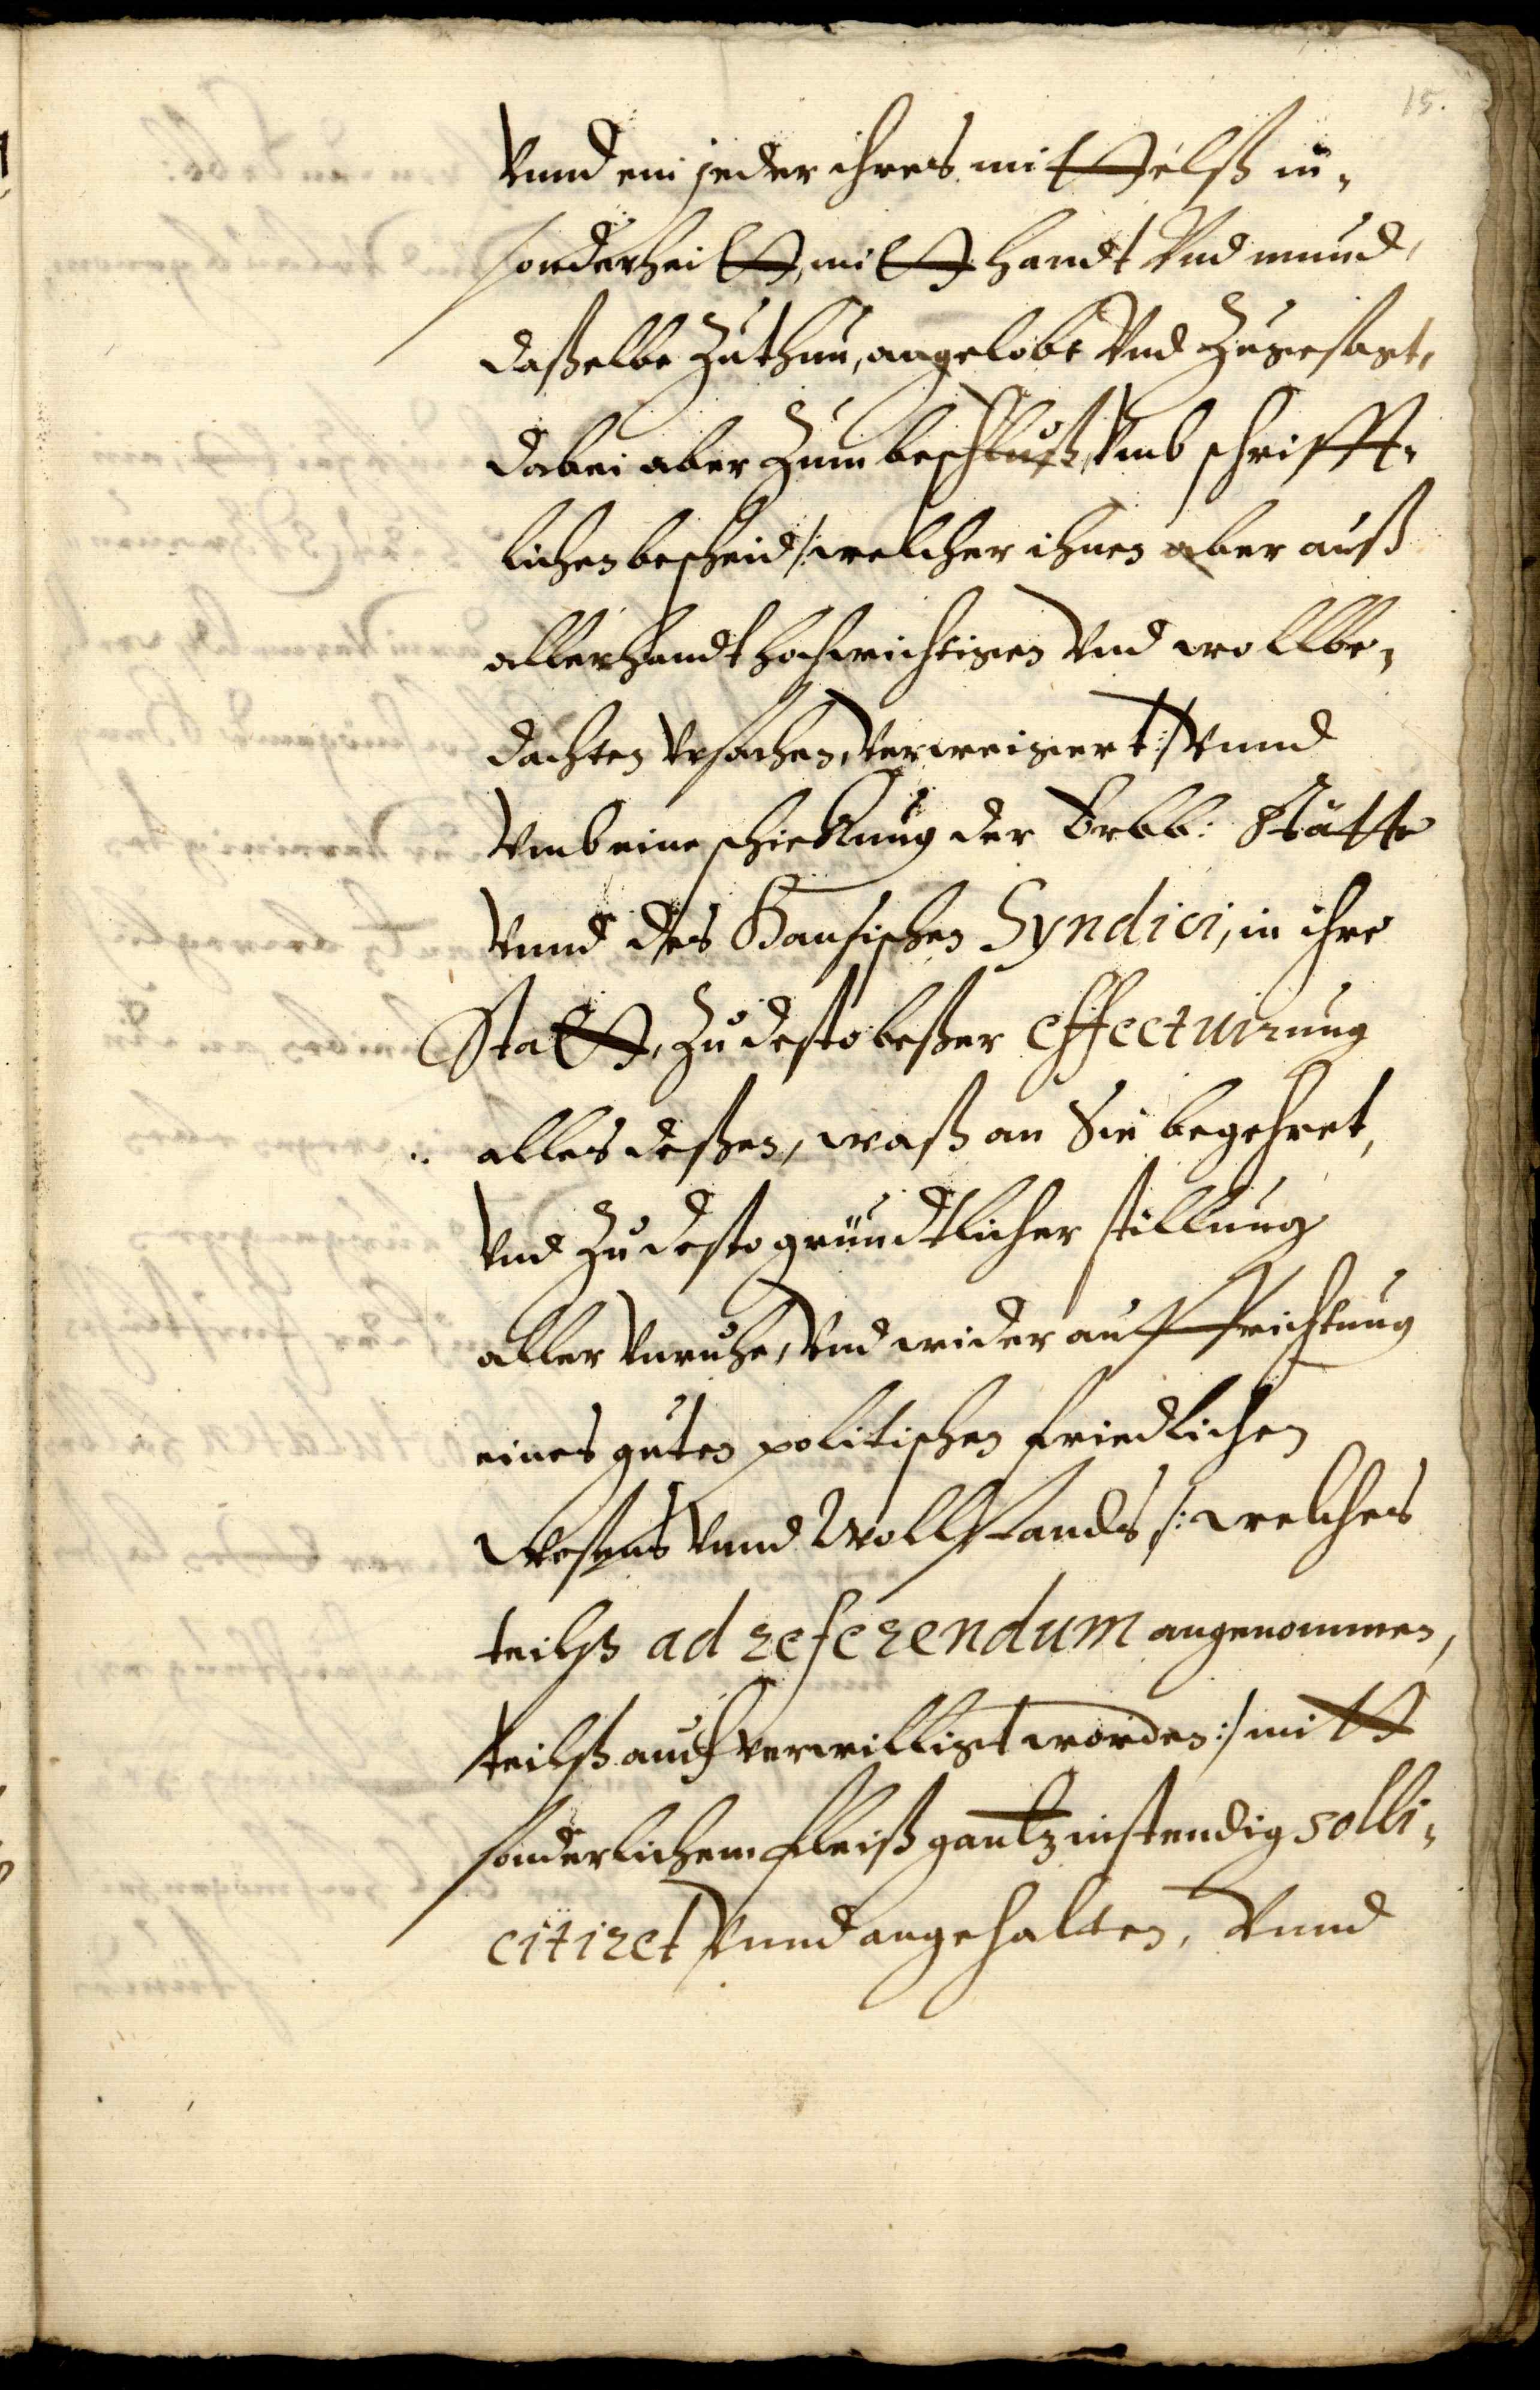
Vnnd ein jeder ihres mittelß in¬
sonderheitt mitt handt Vnd mund,
daßelbe zuthun, angelobt Vnd zugesagt,
dabei aber zum beschluß Vmb schrifft¬
lichen bescheid /: welcher ihnen aber auß
allerhandt hochwichtigen Vnd wollbe¬
dachten Vrsachen, Verweigert :/ Vnnd
Vmb eine schickung der Erbb: Stätte
Vnnd des Hansischen Syndici, in ihre
Statt, zu desto beßer effectuirung
alles deßen, waß an Sie begehret,
Vnd zu desto gründtlicher stillung
aller Vnruhe, Vnd wider auffrichtung
eines guten politischen friedlichen
wesens Vnnd Wollstands /: welches
teilß ad referendum angenommen,
teilß auch Verwilligt worden :/ mitt
sonderlichem fleiß gantz instendig solli¬
citiret Vnnd angehalten, Vnnd
